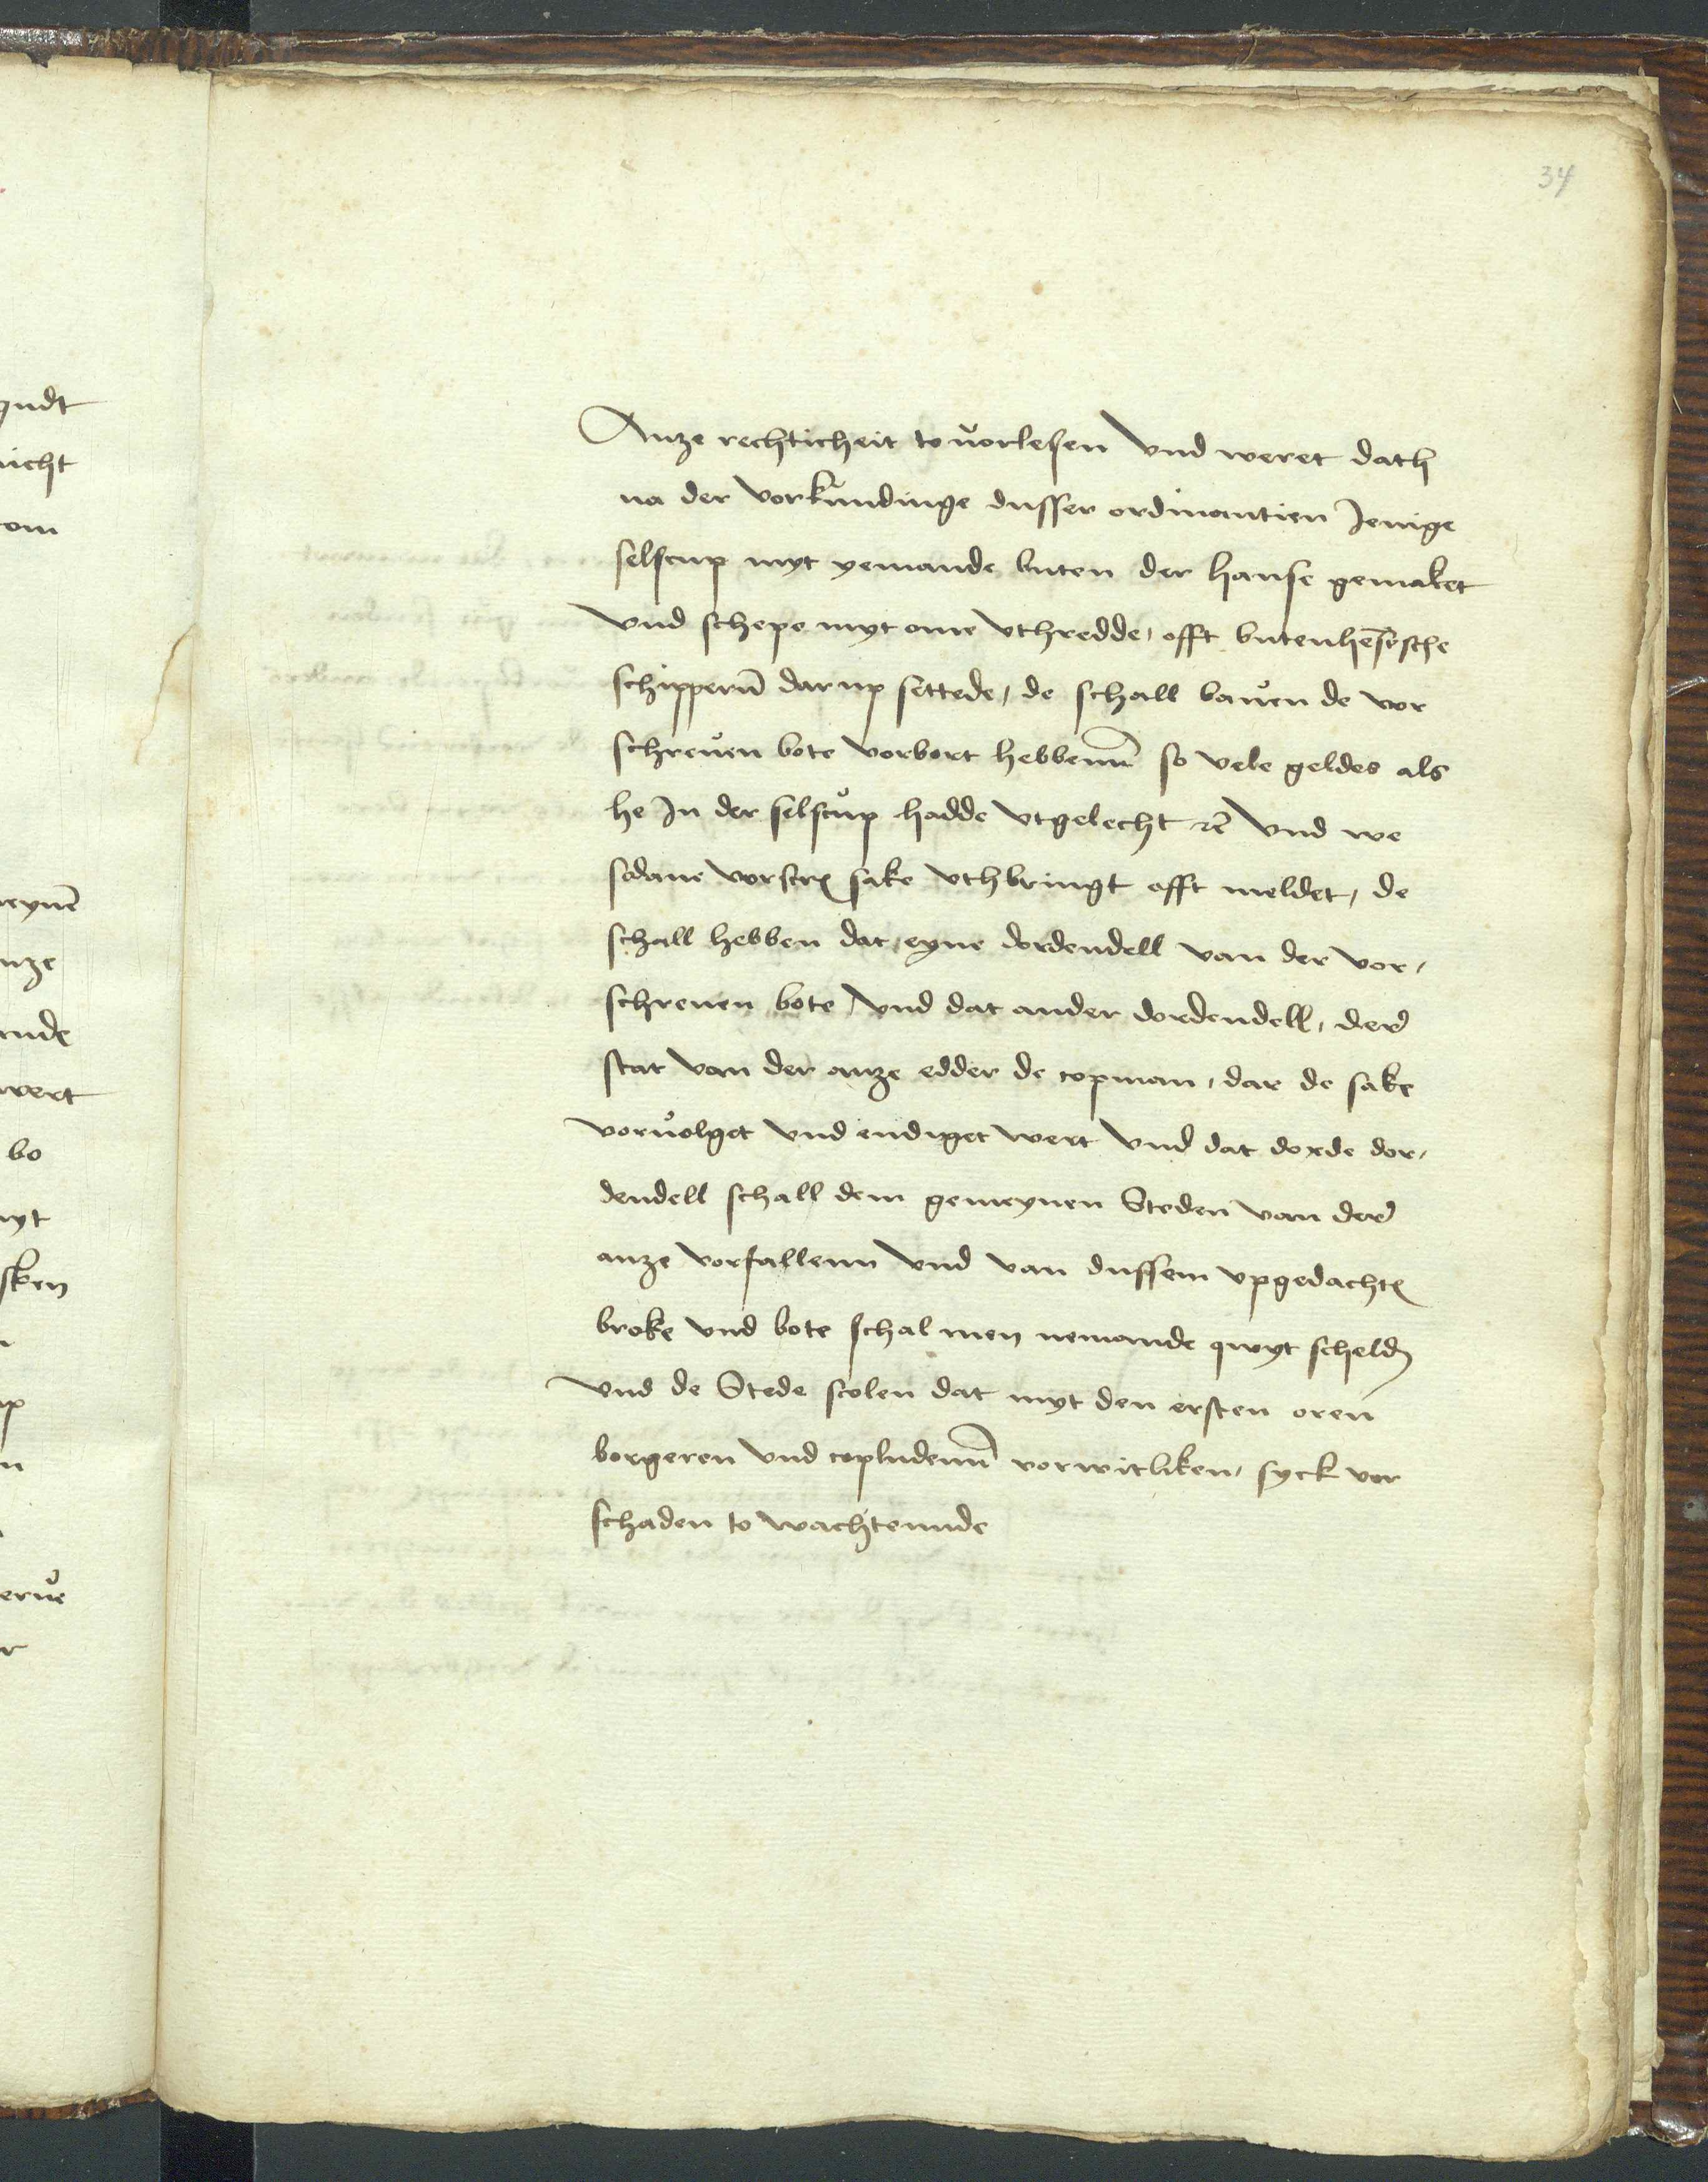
Anze rechticheit to uorlesen vnd werer dath
na der vorkundige dusser ordinantien Jenige
selscup myt yemande buten der hanse gemaket
vnd schepe myt ome vthredde, offt butenhensesche
schipperen darup settede, de schall bauen vor
schreuen bote vorbort hebbenn so vele geldes als
he Jn der selscup hadde utgelecht etc vnd we¬
sodane vorscreuen sake vthbringt offt meldet, der
schall hebben dar eyne dordendell van der vor¬
schreuen bote, vnd dat ander dordendell, der
stat van der anze edder de copman, dar de sake
voruolget vnd endiget wert vnd dat dorde dor¬
dendell schall dem gemeynen Steden van dere
anze vorfallen vnd van dussem vpgedachten
broke vnd bote schal men nemande qwyt schelden
vnd de Stede scolen dat myt den ersten oren
borgeren vnd copludenn vorwitliken, syck vor
schaden to wachtennde
